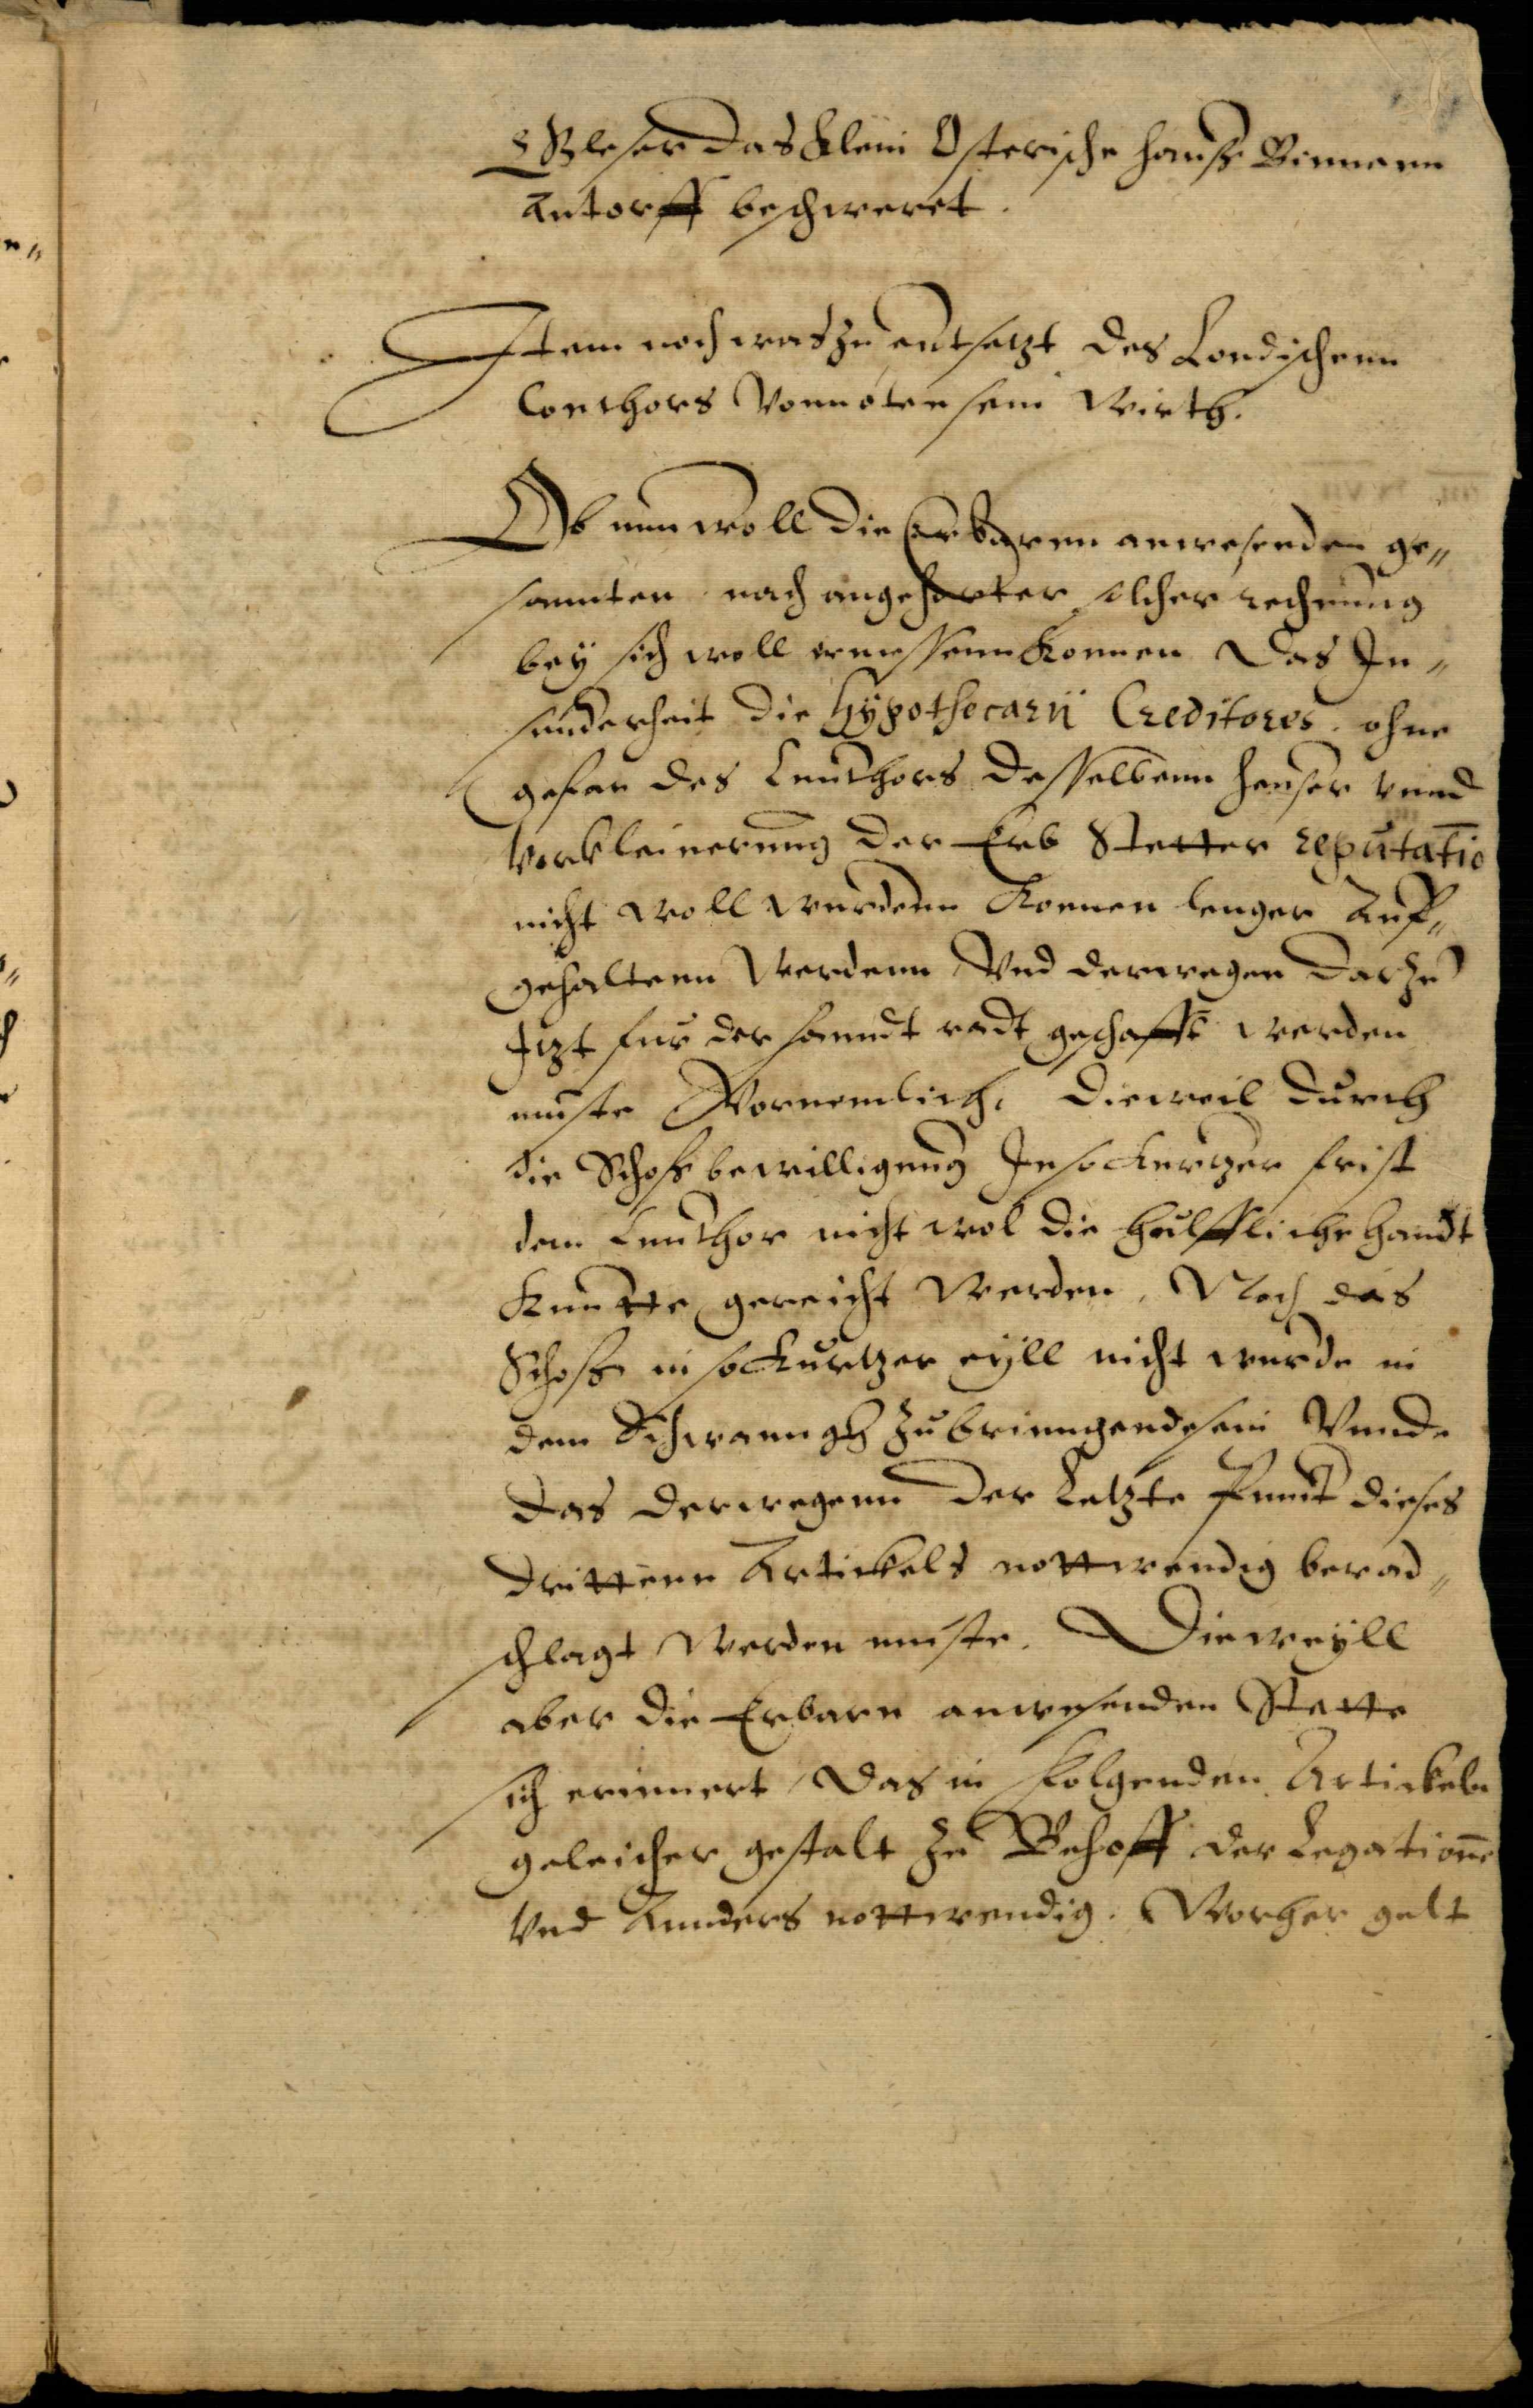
Gleser das Klein Osterische hauß Binnenn
Antorff beschweret.
Item noch was zu entsetzt des Londischenn
Conthors vonnoten sein wirth.
Ob nun woll die Erbarnn anwesenden ge¬
sannten nach angehorter solcher rechnung
beij sich woll ermessen konnen Das In¬
sonderheit die Hijpothecarii Creditores, ohne
gefar des Cunthors desselbenn hauser vnnd
Vorkleinerung der Erb Stetter reputation
nicht woll wurdenn konnen lenger Auf¬
gehaltenn werdenn, Vnd derwegen Darzu
Jtzt fur der hanndt radt geschafft werden
muste Vornemlich, dieweil durch
die Schoßbewilligung In so kurtzer frist
dem Cunthor nicht wol die hulffliche Handt
Kuntte gereicht Werden, Noch das
Schoß in so kurtzer eijl nicht wurde in
den Schwanngh zu brinngende sein Vnnde
das derwegenn der Letzte Punct dieses
drittenn Artickels nottwendig berad¬
schlagt werden muste, Dieweijll
aber die Erbarn anwesenden Stette
sich erinnert, Das in Folgenden Artickeln
geleicher gestalt zu Behoff der Legationen
vnd Annders nottwendig, Worher gelt
